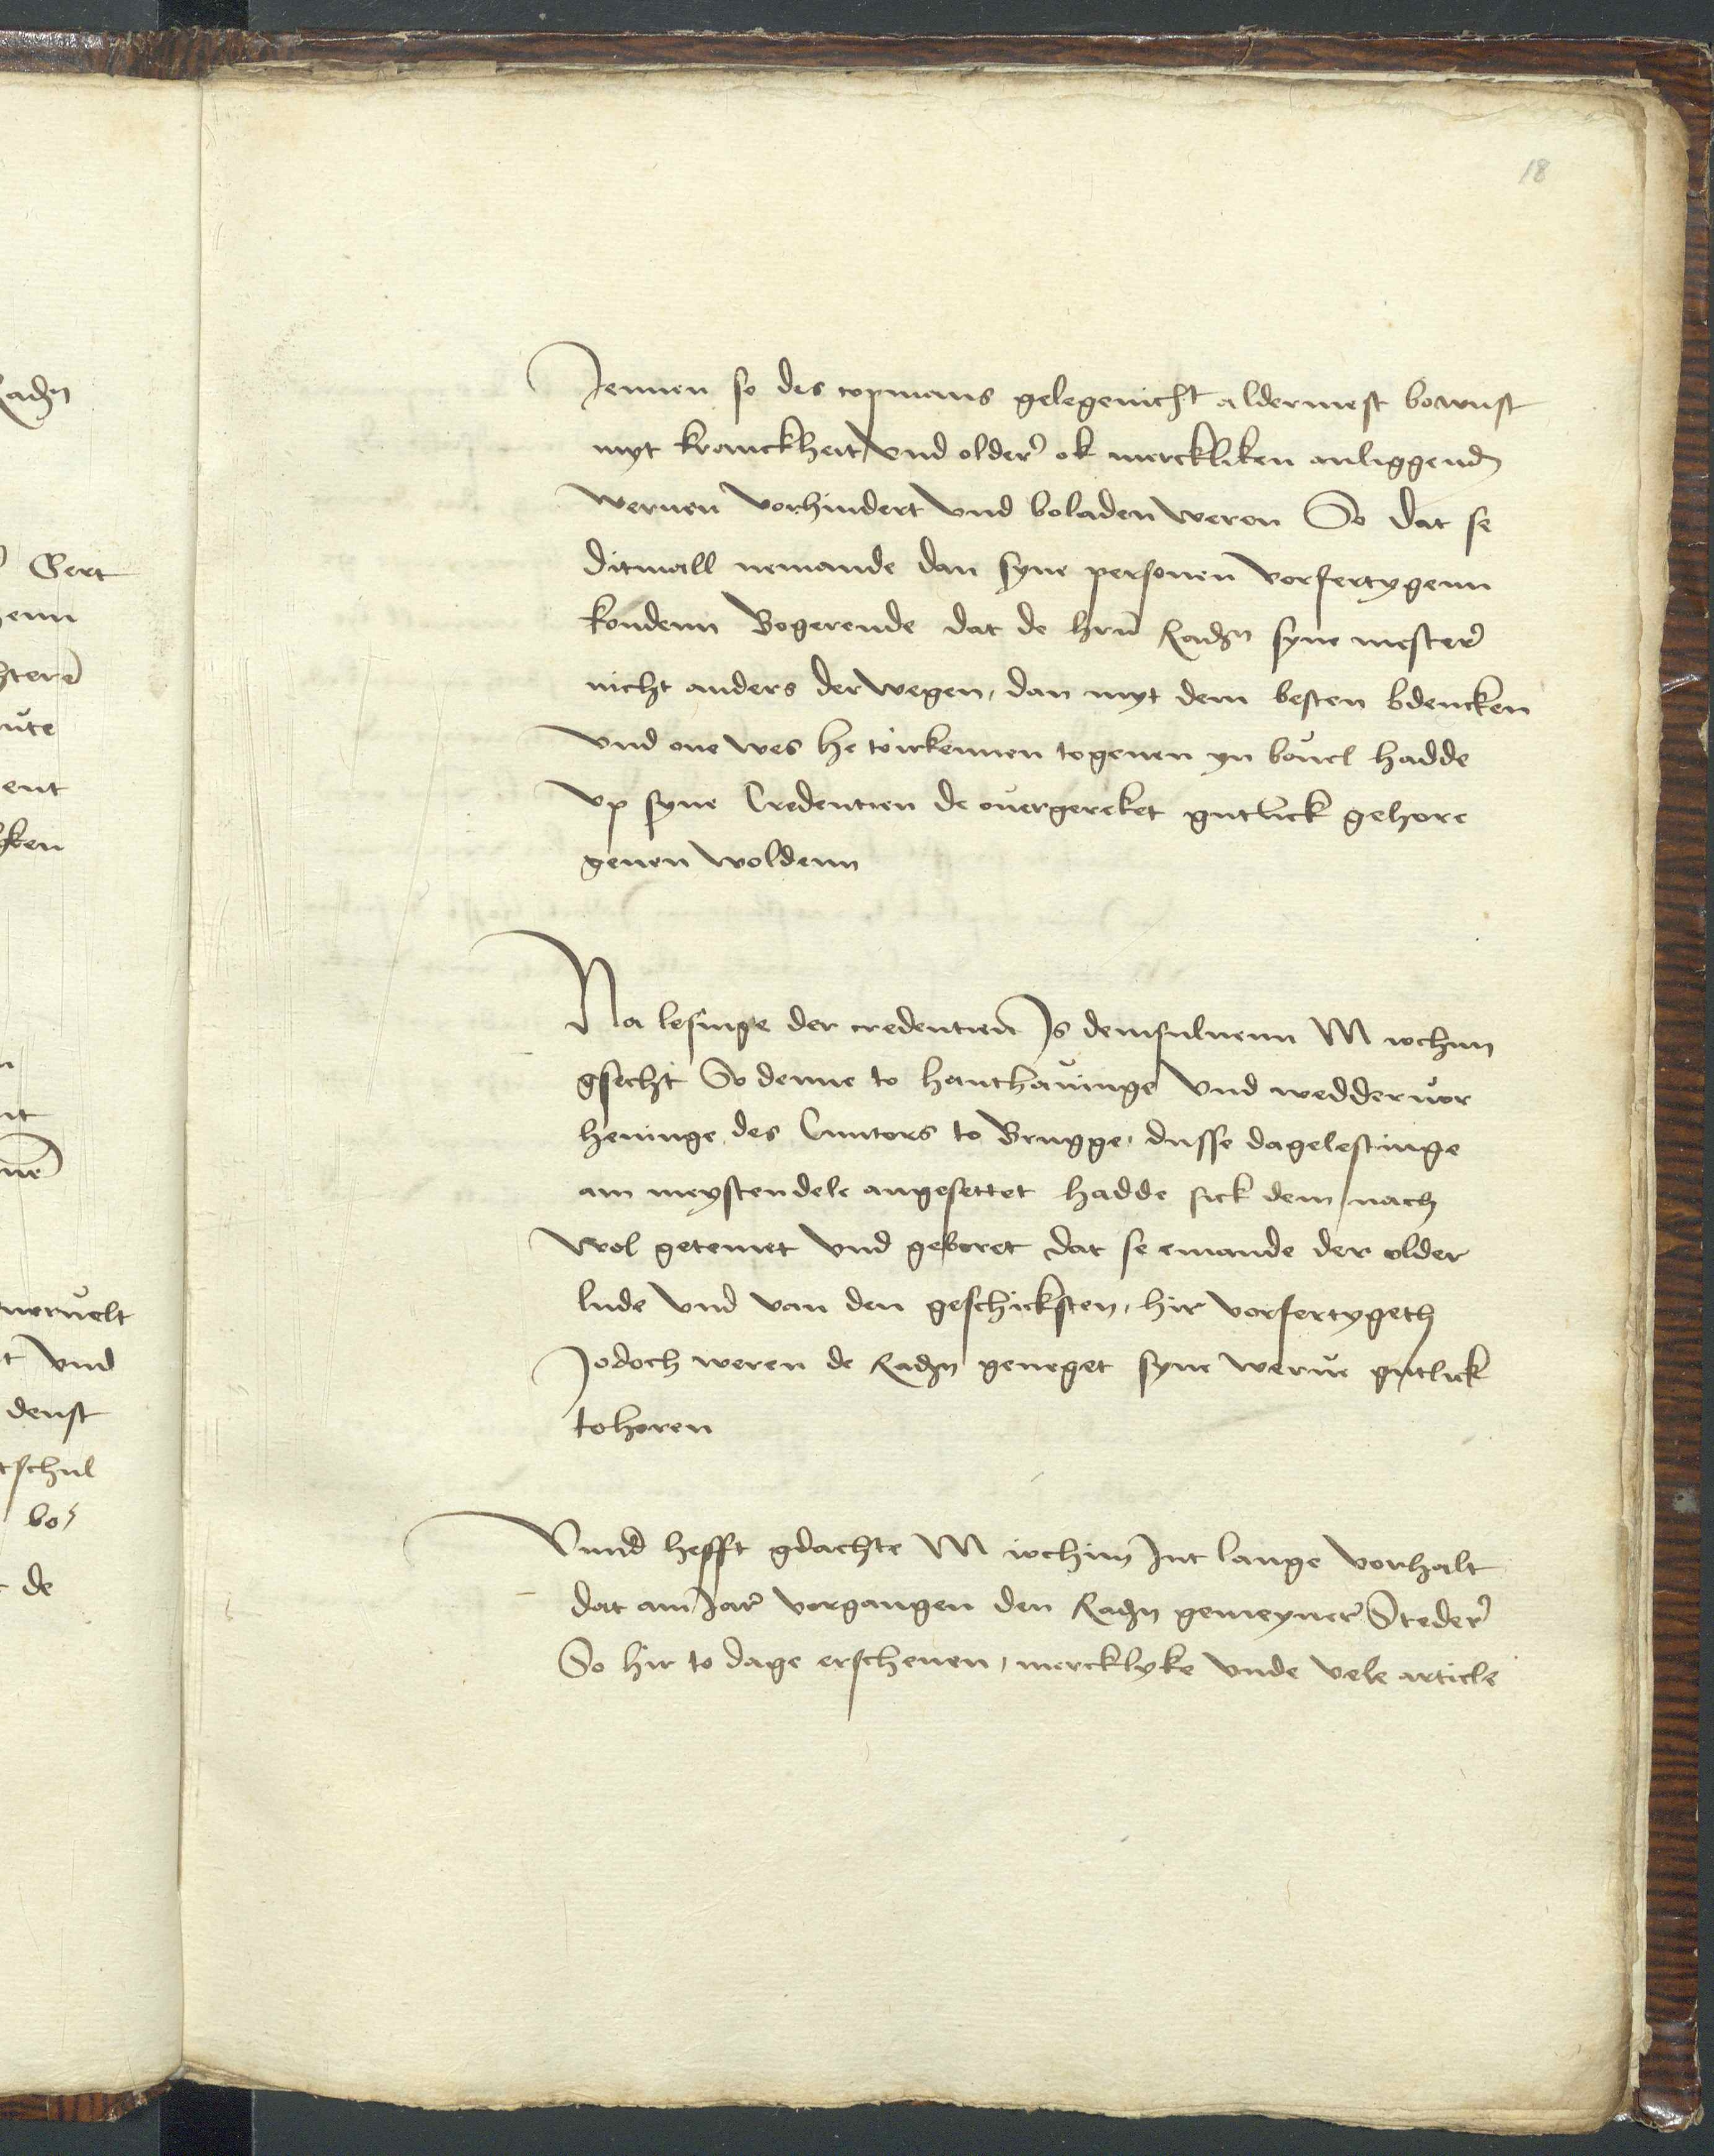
Jennen so des copmans gelegenicht aldermest bowust
myt kranckheit vnd older ok merckliken anliggenden
weruen vorhindert vnd boladen weren So dat se
ditmall nemande dan syne personen vorfertygenn
kondenn Bogerende dat de hern Radessendebaden syne mestere
nicht anders derwegen, dan myt dem besten bdencken
vnd one wes he to irkennen togeuen yn bouel hadde
vp syne Credentien de ouergereket gutlick gehore
geuen woldenn
Na lesinge der credentien Js demsuluenn M iochim
gsecht So denne to hanthauinge vnd wedderuor¬
heuinge des Cuntors to Brugge, dusse dagelestinge
am meystendele angesettet hadde sick dem nach
wol getemet vnd geboret dat se emande der older¬
lude vnd van den geschickten, hir vorfertygeth
Jodoch weren de Radessendebaden geneget syne werue gutlick
tohoren
Vnnd hefft gdachte M iochim Jnt lange vorhalt
dat am Jar vorgangen den Radessendebaden gemeyner Steder
So hir to dage erschenen, mercklike vnde vele article
